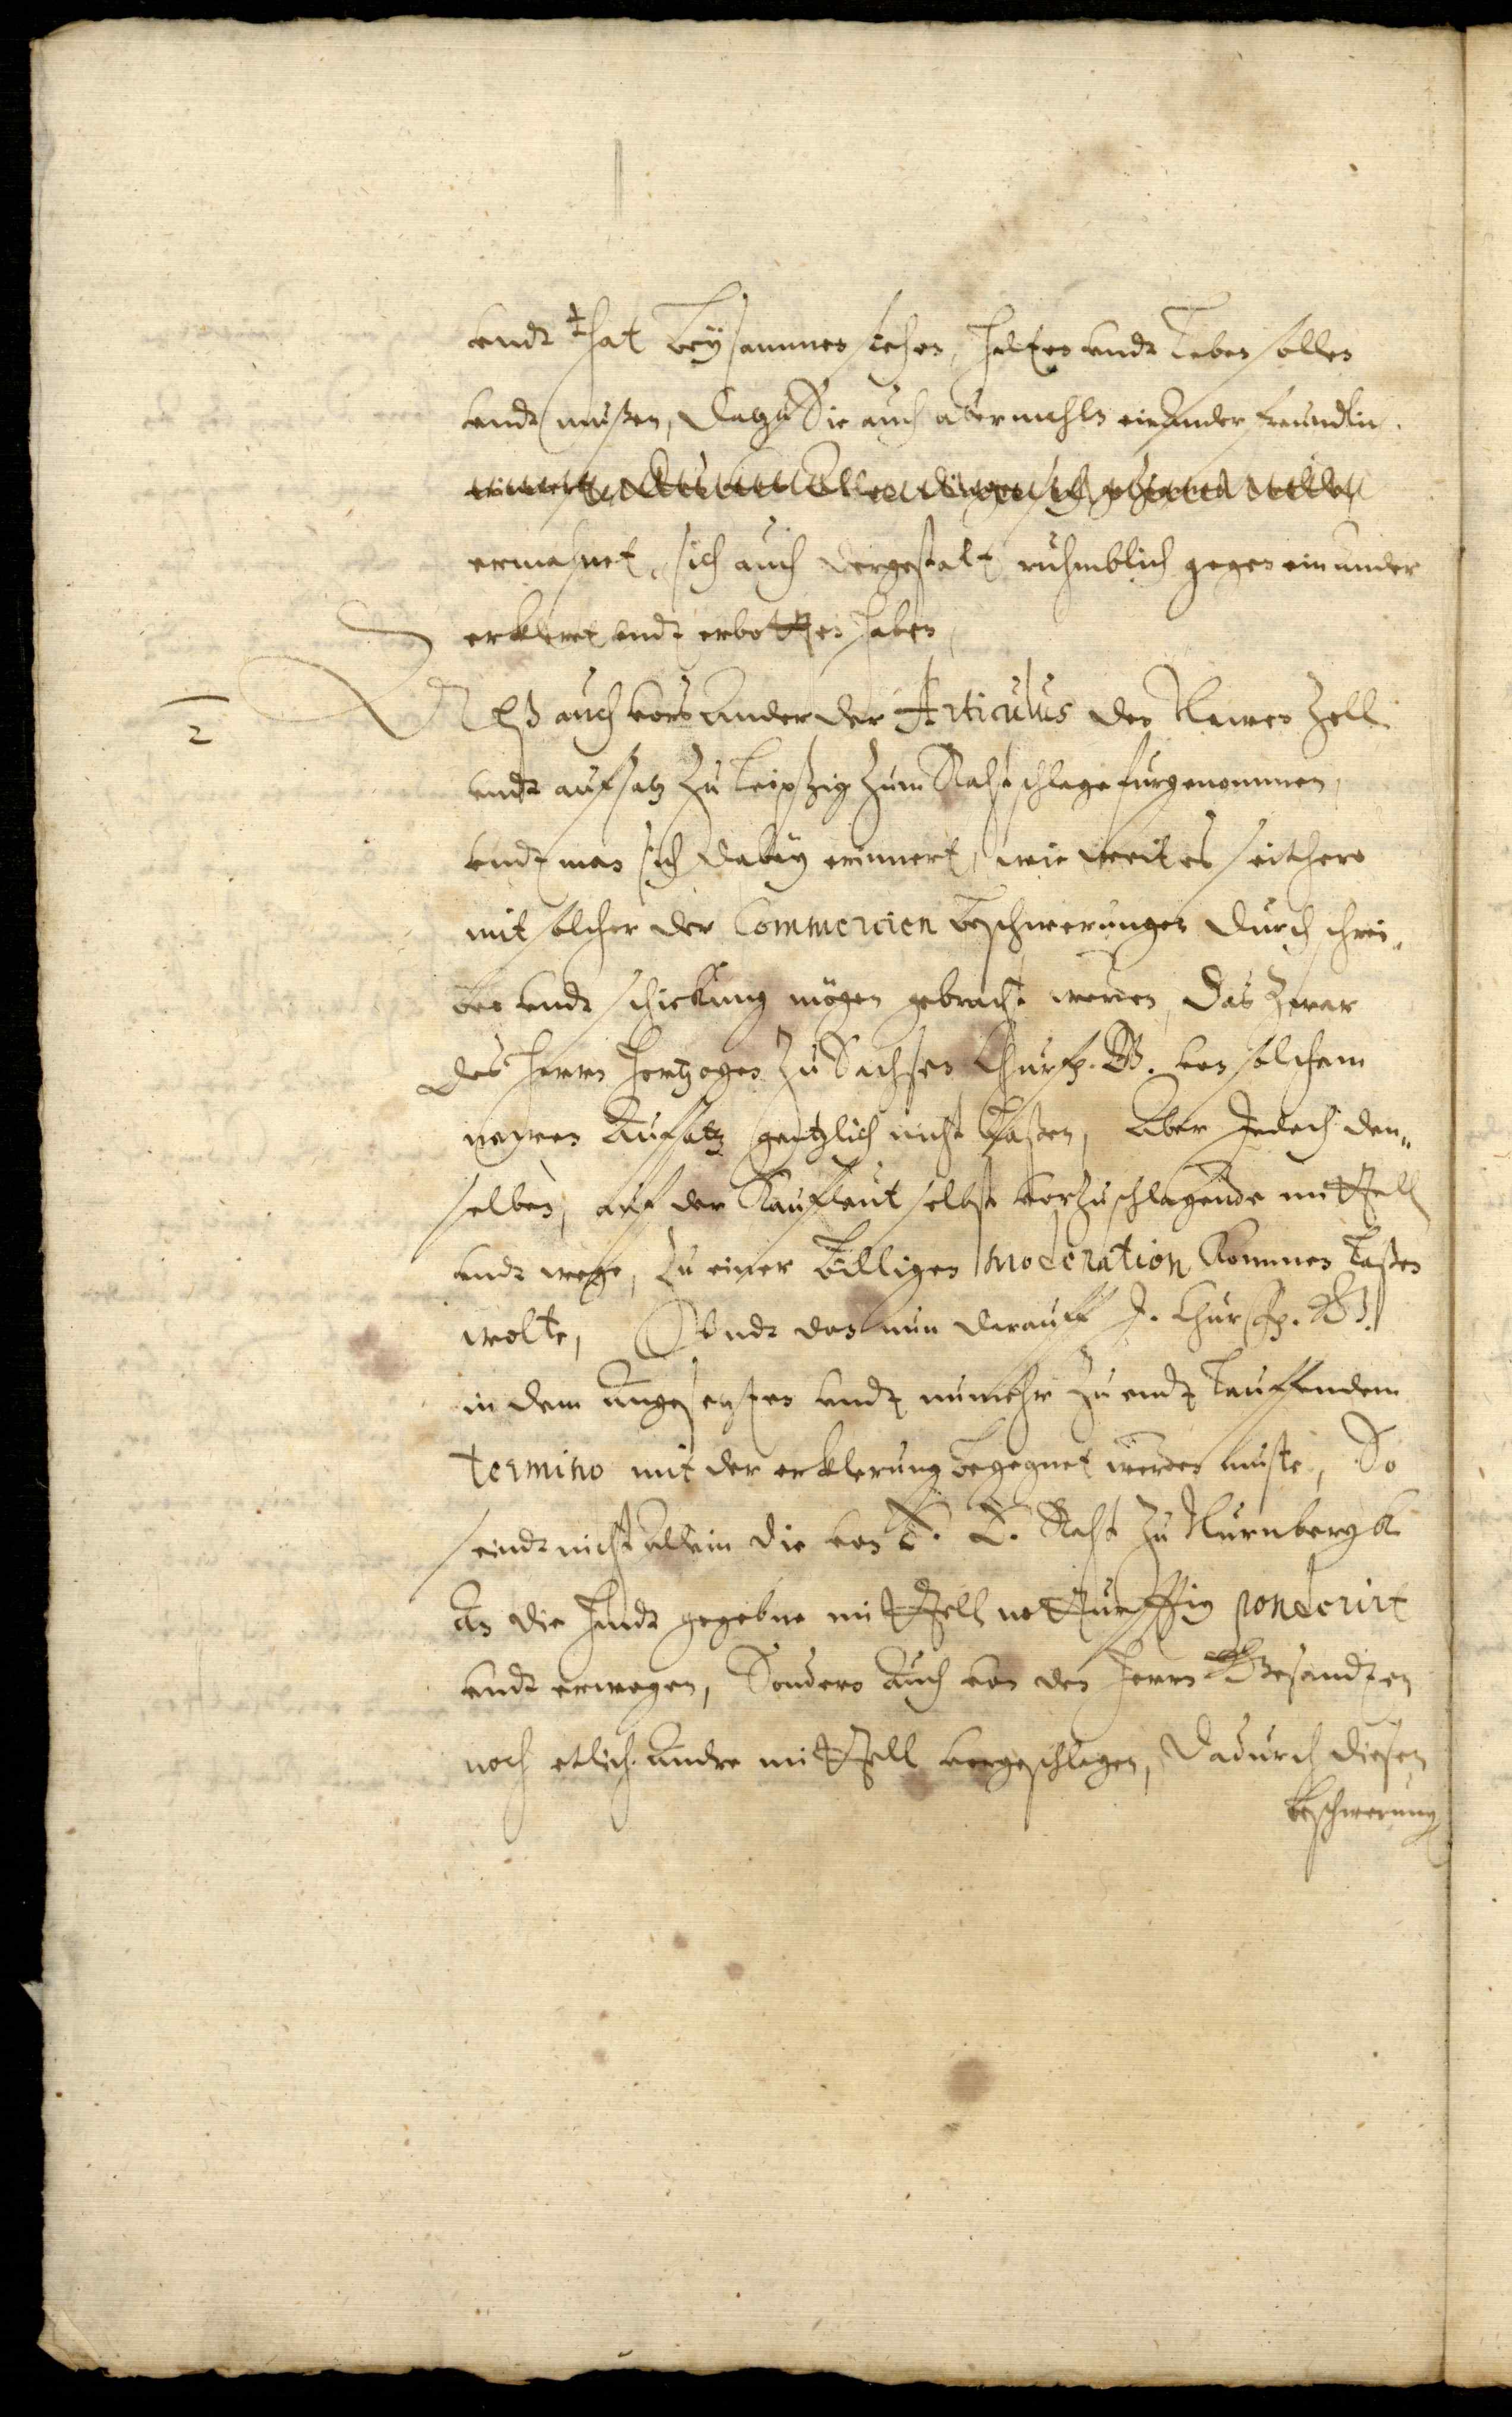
vndt That beijsammen stehen, halten vndt Leben sollen
vndt mußen, dazu Sie auch abermahln einander freundlich,
triarelt odtciltateleatttarenin peeandel
ermahnet, sich auch dergestalt ruhmblich gegen ein ander
erkleret vndt erbotten haben,
2
Alß auch vors ander der Articulus den Newen Zoll
vndt aufsatz zu Leipzig zum Rahtschlage furgenommen,
vndt man sich dabeij erinnert, wie weit es seithero
mit solcher der Commercien beschwerungen durch schrei¬
ben vndt schickung mögen gebracht werden, das zwar
des Herrn Hertzogen zu Sachsen Churfg: G. von solchem
newen Aufsatz gentzlich nicht laßen, Aber Jedoch den¬
selben, auf der Kaufleut selbst vorzuschlagende mittel
vndt wege, zu einer billigen moderation kommen laßen,
wolte, vndt dan nun darauff I. Churfg. G.
in dem Angesetzten vndt numehr zu endt lauffendem
termino mit der erklerung begegnet werden muste, So
seindt nicht allein die von E. E. Raht zu Nurnbergk
an die Handt gegebne mittel notturfftig ponderirt
vndt erwogen, Sondern auch von den Herrn Gesandten
noch etlich andre mittell vorgeschlagen, dadurch diesen
beschwerungen
